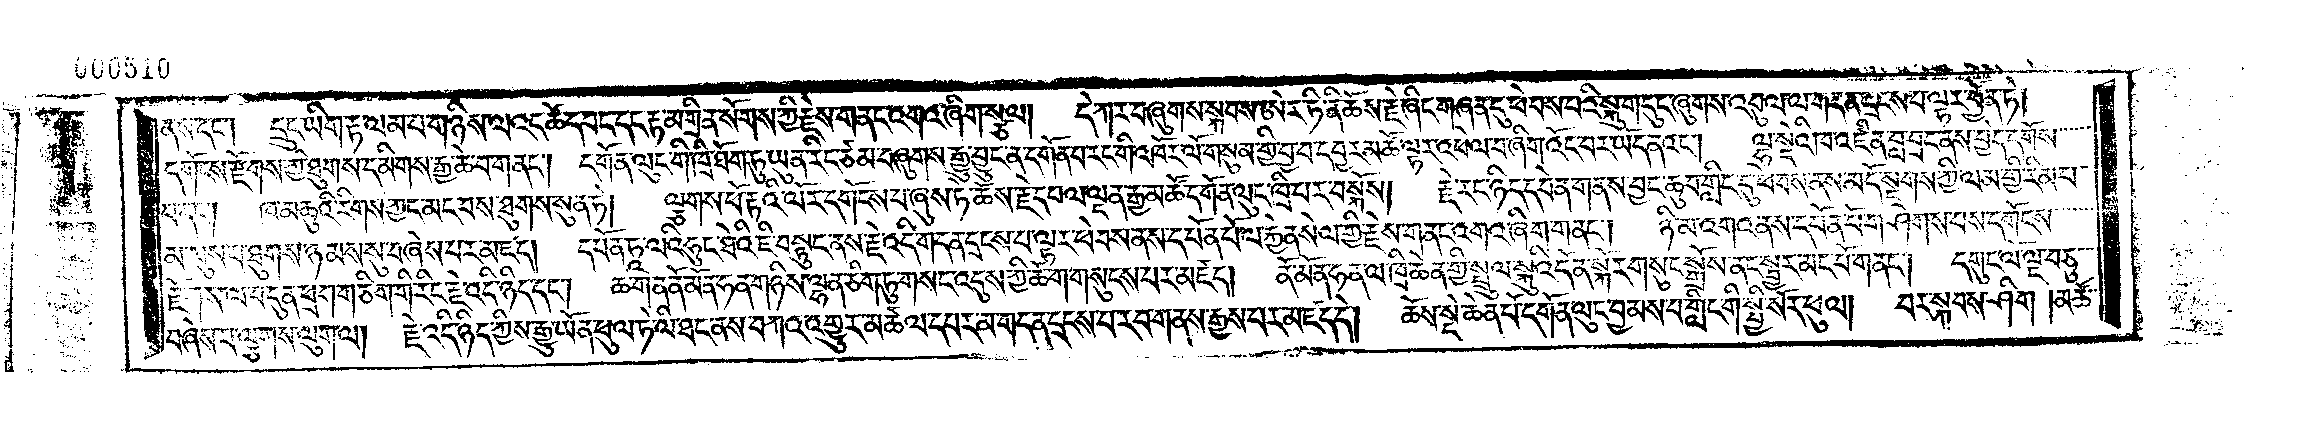ནས་དང་། དྲུང་ཡིག་རྟ་ལམ་པ་གཉིས་ལའང་ཚེ་དབང་དང་རྟ་མགྲིན་སོགས་ཀྱི་རྗེས་གནང་འགའ་ཞིག་སྩལ། དེ་ཀར་བཞུགས་སྐབས་ཨེར་ཏི་ནི་ཆོས་རྗེ་ཞིང་གཞན་དུ་ཕེབས་པའི་སྐུ་གདུང་ཞུགས་འབུལ་ལ་གདན་དྲངས་པ་ལྟར་བྱོན་ཏེ།
དགོངས་རྫོགས་ཀྱི་ཐུགས་དམིགས་རྒྱ་ཆེ་བ་གནང་། དགོན་ལུང་གི་ཁྲི་ཐོག་ཏུ་ཡུན་རིང་ཙམ་བཞུགས་རྒྱུ་བྱུང་ན་དགོན་པ་རང་གི་འཁོར་ལོ་གསུམ་གྱི་བྱ་བ་དབྱར་མཚོ་ལྟར་འཕེལ་བ་ཞིག་འོང་བར་ཡོད་ནའང་། ལྷ་སྡེའི་ཁ་འཛིན་བླ་བྲང་ནས་བྱེད་དགོས་
པ་དང་། ཁ་མཆུའི་རིགས་ཀྱང་མང་བས་ཐུགས་སུན་ཏེ། ལྕགས་ཕོ་རྟའི་ལོར་དགོངས་པ་ཞུས་ཏེ་ཆོས་རྗེ་དཔལ་ལྡན་རྒྱ་མཚོ་དགོན་ལུང་ཁྲི་པར་བསྐོས། རྗེ་རང་ཉིད་དབེན་གནས་བྱང་ཆུབ་གླིང་དུ་ཕེབས་ནས་མདོ་སྔགས་ཀྱི་ལམ་གྱི་རིམ་པ་
མ་ལུས་པ་ཐུགས་ཉམས་སུ་བཞེས་པར་མཛད། དཔོན་ཏཱ་ལའི་ཧུང་ཐེའི་ཇི་བསྙུང་ནས་རྗེ་འདི་གདན་དྲངས་པ་ལྟར་ཕེབས་ནས་དཔོན་པོ་ལ་རྐྱེན་སེལ་གྱི་རྗེས་གནང་འགའ་ཞིག་གནང་། ཉི་མ་འགའ་ནས་དཔོན་པོ་གཤེགས་པས་དགོངས་
རྫོགས་ལ་བདུན་ཕྲག་གཅིག་གི་རིང་རྗེ་འདི་ཉིད་དང་། ཆ་གན་ནོ་མོན་ཧན་གཉིས་ལྷན་ཅིག་ཏུ་གསང་འདུས་ཀྱི་ཆོ་ག་གསུངས་པར་མཛད། ནོ་མོན་ཧན་ལ་ཁྲི་ཆེན་གྱི་སྤྲུལ་སྐུའི་དོན་སྐོར་གསུང་སྒྲོས་ནང་སྦྱར་མང་པོ་གནང་། དགུང་ལོ་ལྔ་བཅུ་
བཞེས་པ་ལྕགས་ལུག་ལ། རྗེ་འདི་ཉིད་ཀྱིས་རྒྱུ་ཡོན་ཕུལ་ཏེ་ལི་ཐང་ནས་བཀའ་འགྱུར་མཚལ་དཔར་མ་གདན་དྲངས་པ་རབ་གནས་རྒྱས་པར་མཛད་དེ། ཆོས་སྡེ་ཆེན་པོ་དགོན་ལུང་བྱམས་པ་གླིང་གི་སྤྱི་སོར་ཕུལ། བར་སྐབས་ཤིག །མཚོ་